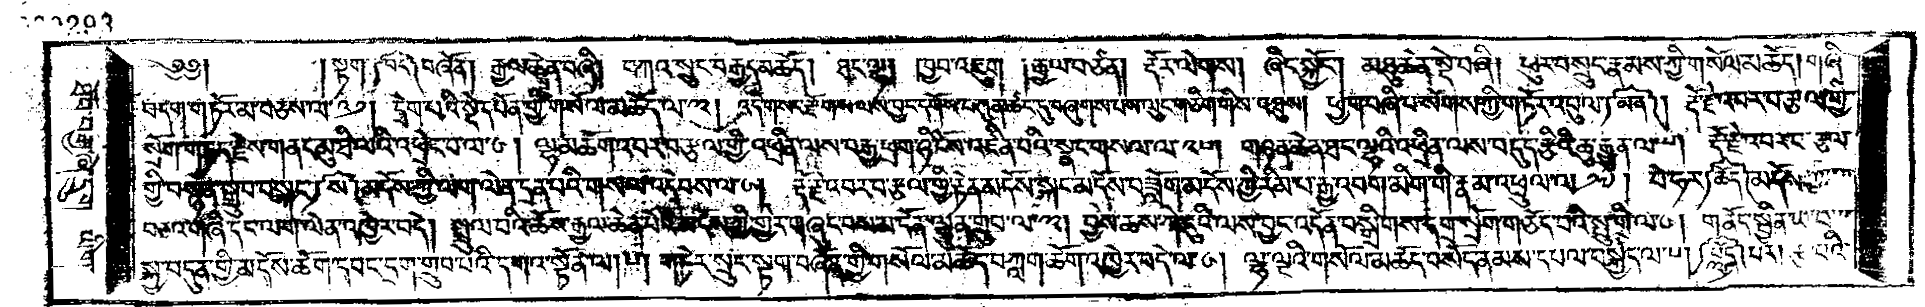༄༅། །སྟག ༼བ༨༽ བཞོན། རྒྱལ་ཆེན་བཞི། བཀའ་སྲུང་བརྒྱད་མཆོད། ཐང་ལྷ། ཁྱབ་འཇུག །རྒྱལ་བཙན། རྡོར་ལེགས། ཞིང་སྐྱོང་། མཐུ་ཆེན་སྡེ་བཞི། ཕུར་བསྲུང་རྣམས་ཀྱི་གསོལ་མཆོད། གཞི་
བདག་གཏོར་མ་བཅས་ལ ༢༡། དྲེག་པའི་སྡེ་དཔོན་གྱི་གསོལ་མཆོད་ལ་འདི་གསང་རྫོགས་ལས་བྱང་དགོས་པ་ཀུན་ཚང་དུ་བཞུགས་པས་ལུང་གཅིག་གིས་འཐུས།  ༣། ཕྱག་བཞི་པ་སོགས་ཀྱི་གཏོར་འབུལ ༼མན༽། རྡོ་རྗེ་འབར་བ་རྩལ་གྱི་
སྲོག་གཏད་རྗེས་གནང་མུ་ཐི་ལའི་འཕྲེང་བ་ལ ༦། ལྷ་མཆོག་འབར་བ་རྩལ་གྱི་འཕྲིན་ལས་བརྒྱ་ཕྲག་ཉི་ངོས་འཛིན་པའི་སྣང་གསལ་ལ ༢༥། གཉན་ཆེན་ཐང་ལྷའི་འཕྲིན་ལས་བདུད་རྩིའི་ཆུ་རྒྱུན་ལ ༥། རྡོ་རྗེ་འབར་བ་རྩལ་
གྱི་བསྙེན་སྒྲུབ་བསྐང ༼ས༽ མདོས་ཀྱི་ལག་ལེན་དྲན་པའི་གསལ་འདེབས་ལ ༦། རྡོ་རྗེ་འབར་བ་རྩལ་གྱི་རྟེན་མདོས་སྐང་མདོས་བཟློག་མདོས་ཀྱི་རིམ་པ་རྒྱ་འབག་མིག་གི་རྣམ་འཕྲུལ་ལ ༡༧། བེ་ཧར ༼ཆོད༽ མདོས་ཀྱ་
བཅའ་གཞི་དང་ལག་ལེན་འཁྱེར་བདེ། སྤྲུལ་བའི་ཆོས་རྒྱལ་ཆེན་པོའི་མདོས་ཀྱི་གྱེར་གཞུང་བསམ་དོན་ལྷུན་གྲུབ་ལ ༣། བྱེས་ཆས་ཀེ་དུའི་ལས་བྱང་འདོན་བསྒྲིགས་དགྲ་སྲོག་གཅོད་པའི་སྤུ་གྲི་ལ ༦། གནོད་སྦྱིན་ཡ་བ་
སྐྱ་བདུན་གྱི་མདོས་ཆོག་དབང་དྲག་གྲུབ་པའི་དགའ་སྟོན་ལ། ༥། གཏེར་སྲུང་སྟག་བཞོན་གྱི་གསོལ་མཆོད་བཀླག་ཆོག་འཁྱེར་བདེ་ལ ༦། ལྷ་ལྔའི་གསོལ་མཆོད་བསོད་ནམས་དཔལ་བསྐྱེད་ལ ༥། ༼པོད༣༡༽ པར། རྩ་བའི་